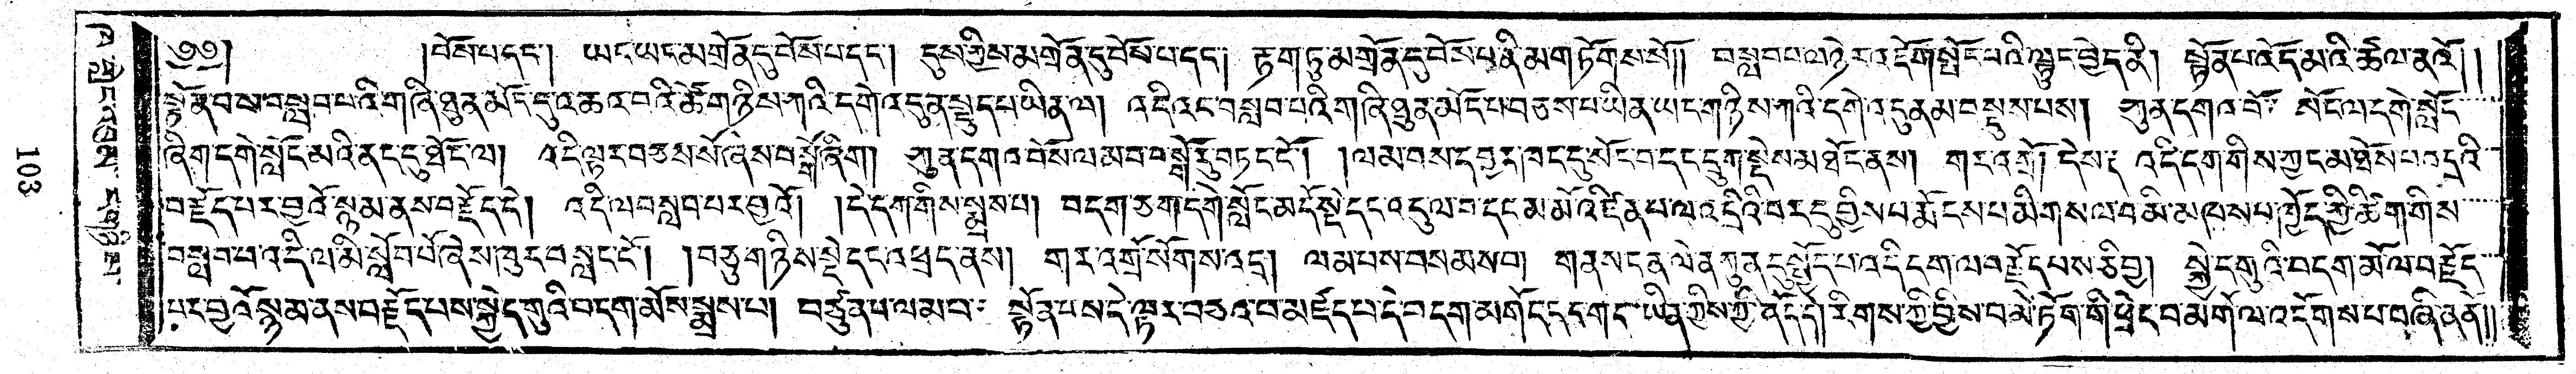༄༅། །བོས་པ་དང་། ཡང་ཡང་མགྲོན་དུ་བོས་པ་དང་། དུས་ཀྱིས་མགྲོན་དུ་བོས་པ་དང་། རྟག་ཏུ་མགྲོན་དུ་བོས་པ་ནི་མ་གཏོགས་སོ།། བསླབ་པ་ལ་ཉེར་འཇོག་སྤོང་བའི་ལྟུང་བྱེད་ནི། སྟོན་པ་འོད་མའི་ཚལ་ནའོ།།
སྟོན་བས་བསླབ་པའི་གཞི་ཐུན་མོང་དུ་འཆའ་བའི་ཚེ་གཉིས་ཀའི་དགེ་འདུན་སྡུད་པ་ཡིན་ལ། འདིའང་བསླབ་པའི་གཞི་ཐུན་མོང་པ་བཅས་པ་ཡིན་ཡང་གཉིས་ཀའི་དགེ་འདུན་མ་བསྡུས་པས། ཀུན་དགའ་བོ༑ སོང་ལ་དགེ་སློང་
ཞིག་དགེ་སློང་མའི་ནང་དུ་ཐོང་ལ། འདི་ལྟར་བཅས་སོ་ཞེས་བསྒོ་ཞིག། ཀུན་དགའ་བོས་ལམ་བ་བསྒོ་རུ་བཏང་ངོ། །ལམ་བས་དབྱར་ཁང་དུ་སོང་བ་དང་དྲུག་སྡེས་མཐོང་ནས། གར་འགྲོ། དེས༑ འདི་དག་གིས་ཀྱང་མཐོས་པ་འདྲའི་
བརྗོད་པར་བྱའོ་སྙམ་ནས་བརྗོད་དེ། འདི་ལ་བསླབ་པར་བྱའོ། །དེ་དག་གིས་སྨྲས་པ། བདག་ཅག་དགེ་སློང་མདོ་སྡེ་དང་འདུལ་བ་དང་མ་མོ་འཛིན་པ་ལ་འདྲིའི་བར་དུ་བྱིས་པ་རྨོངས་པ་མི་གསལ་བ་མི་མཁས་པ་ཁྱོད་ཀྱི་ཚིག་གིས་
བསླབ་པ་འདི་ལ་མི་སློབ་བོ་ཞེས་ཁུར་བསླང་ངོ། །བཅུ་གཉིས་སྡེ་དང་འཕྲད་ནས། གར་འགྲོ་སོགས་འདྲ། ལམ་པས་བསམས་པ། གནས་ངན་ལེན་ཀུན་དུ་སྤྱོད་པ་འདི་དག་ལ་བརྗོད་པས་ཅི་བྱ། སྐྱེ་དགུའི་བདག་མོ་ལ་བརྗོད་
པར་བྱའོ་སྙམ་ནས་བརྗོད་པས་སྐྱེ་དགུའི་བདག་མོས་སྨྲས་པ། བཙུན་པ་ལམ་པ༑ སྟོན་པས་དེ་ལྟར་བཅའ་བ་མཛད་པ་དེ་བདག་མགོད་དང་གང་ཡིན་ཀྱིས་ཀྱི་ནོད་དེ། རིགས་ཀྱི་བྱིས་བ་མེ་ཏོག་གི་ཕྲེང་བ་མགོ་ལ་འདོགས་པ་བཞིན་ནོ།།